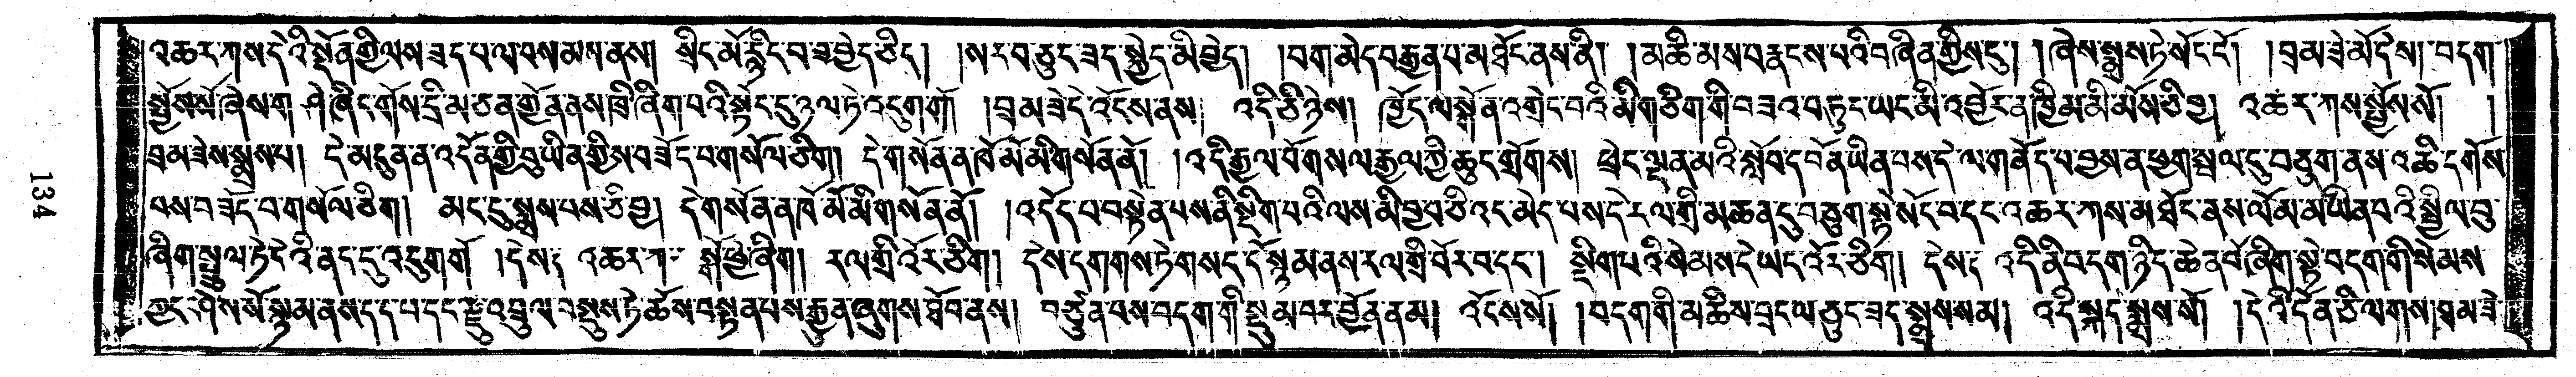འཆར་ཀས་དེའི་སྔོན་གྱི་ལས་ཟད་པ་ལ་བསམས་ནས། སྲིང་མོ་རྙིང་བ་ཟ་བྱེད་ཅིང་། །སར་བ་ཅུང་ཟད་སྐྱེད་མི་བྱེད། །བག་མེད་བརྒྱན་པ་མཐོང་ནས་ནི། །མཆི་མས་བརྣངས་པའི་བཞིན་གྱིས་དུ། །ཞེས་སྨྲས་ཏེ་སོང་ངོ། །བྲམ་ཟེ་མོ་དེས། བདག་
སྤྱོས་སོ་ཞེས་གཤེ་ཞིང་གོས་དྲི་མ་ཅན་གྱོན་ནས་ཁྲི་ཞིག་པའི་སྟེང་དུ་ཉལ་ཏེ་འདུག་གོ། །བྲམ་ཟེ་དེ་འོངས་ནས། འདི་ཅི་ཉེས། ཁྱོད་ལ་སྒོ་ན་འགྲེང་བའི་མི་གཅིག་གི་བཟའ་བཏུང་ཡང་མི་འབྱོར་ན་ཁྱིམ་མི་མོས་ཅི་བྱ། འཆར་ཀས་སྤྱོས་སོ། །
བྲམ་ཟེས་སྨྲས་པ། དེ་མདུན་ན་འདོན་གྱི་བུ་ཡིན་གྱིས་བཟོད་བ་གསོལ་ཅིག། དེ་གསོན་ན་ཁོ་མོ་མི་གསོན་ནོ། །འདི་རྒྱལ་པོ་གསལ་རྒྱལ་ཀྱི་ཆུང་གྲོགས། ཕྲེང་ལྡན་མའི་སློབ་དབོན་ཡིན་པས་དེ་ལ་གནོད་པ་བྱས་ན་ཕྱག་སྦལ་དུ་བཅུག་ནས་འཆི་དགོས་
བས་བཟོད་པ་གསོལ་ཅིག། མང་དུ་སྨྲས་པས་ཅི་བྱ། དེ་གསོན་ན་ཁོ་མོ་མི་གསོན་ནོ། །འདོད་པ་བསྟེན་པས་ནི་སྡིག་པའི་ལས་མི་བྱ་བ་ཅི་འང་མེད་པས་དེར་ལ་གྲི་མཆན་དུ་བཅུག་སྟེ་སོང་བ་དང་འཆར་ཀས་མཐོང་ནས་ལོ་མ་མ་ཡིན་པའི་སྤྱིལ་བུ་
ཞིག་སྤྲུལ་ཏེ་ངེའི་ནང་དུ་འདུག་གོ །དེས༑ འཆར་ཀ༑ སྒོ་ཕྱེ་ཞིག། རལ་གྲི་འོར་ཅིག། དེས་དགགས་ཏེ་གསང་དོ་སྙམ་ནས་རལ་གྲི་བོར་བ་དང་། སྡིག་པའི་སེམས་དེ་ཡང་འོར་ཅིག། དེས༑ འདི་ནི་བདག་ཉིད་ཆེན་པོ་ཞིག་སྟེ་བདག་གི་སེམས་
ཀྱང་ཤེས་སོ་སྙམ་ནས་དད་པ་དང་རྫུ་འབྲུལ་བསྡུས་ཏེ་ཆོས་བསྟན་པས་རྒྱུན་ཞུགས་ཐོབ་ནས། བཙུན་པས་བདག་གི་སྡུམ་པར་བྱོན་ནམ། འོངས་སོ། །བདག་གི་མཆིས་བྲང་ལ་ཅུང་ཟད་སྨྲས་སམ། འདི་སྐད་སྨྲས་སོ། །དེའི་དོན་ཅི་ལགས། བྲམ་ཟེ་